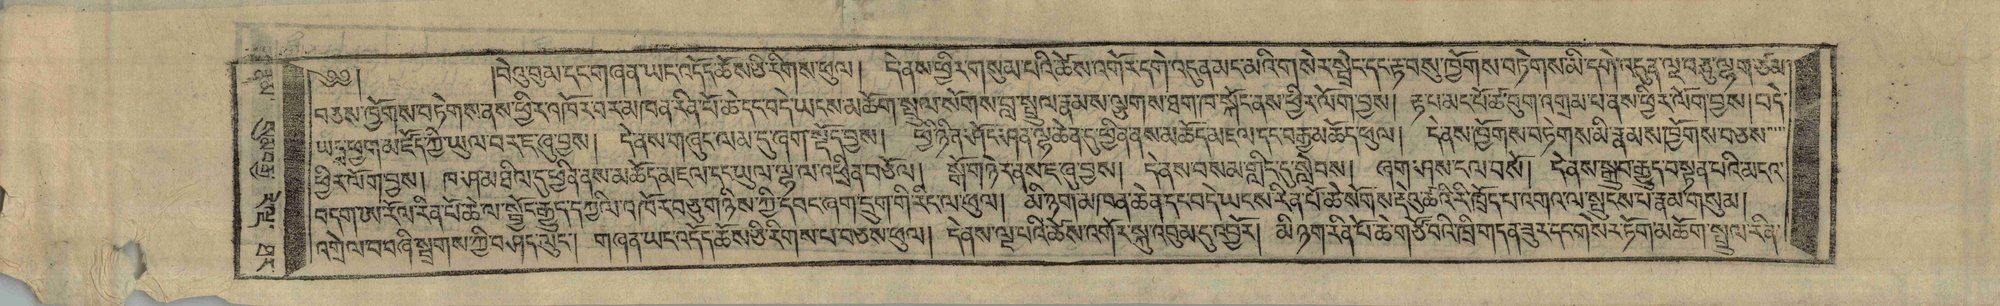༄༅། །བེའུ་བུམ་དང་གཞན་ཡང་འདོད་ཆོས་ཅི་རིགས་ཕུལ། དེ་ནས་ཕྱིར་གསུམ་པའི་ཚེས་འགོར་དགེ་འདུན་མང་མའི་གསེར་སྦྲེང་དང་རྟ་བསུ་ཁྱོགས་བཏེགས་མི་དགེ་འདུན་ལྔ་བཅུ་ལྷག་ཙམ་
བཅས་ཁྱོགས་བཏེགས་ནས་ཕྱིར་འཁོར་བར་མཁན་རིན་པོ་ཆེ་དང་བདེ་ཡངས་མཆོག་སྤྲུལ་སོགས་བླ་སྤྲུལ་རྣམས་ལྕགས་ཐག་ཁ་སྐོང་ནས་ཕྱིར་ལོག་བྱས། རྟ་པ་མང་པོ་ཚ་བུག་འགྲམ་པ་ནས་ཕྱིར་ལོག་བྱས། བདེ་
ཡངས་ཕྱག་མཛོད་ཀྱི་ཡུལ་བར་ཇ་ཞུ་བྱས། དེ་ནས་གཞུང་ལམ་དུ་ཞག་སྡོད་བྱས། ཕྱི་ཉིན་ཤོང་ཤན་ལྷ་ཆེན་དུ་ཕྱིན་ནས་མཆོད་མཇལ་དང་བརྒྱ་མཆོད་ཕུལ། དེ་ནས་ཁྱོགས་བཏེགས་མི་རྣམས་ཁྱོགས་བཅས་
ཕྱིར་ལོག་བྱས། ཁ་ཤ་མཐིལ་དུ་ཕྱིན་ནས་མཆོད་མཇལ་དང་ཡུལ་ལྷ་ལ་འཕྲིན་བཅོལ། སྒོ་གཉེར་ནས་ཇ་ཞུ་བྱས། དེ་ནས་བསམ་གླིང་དུ་སླེབས། ཞག་ཤས་ངལ་བསོ། དེ་ནས་སྒྲུབ་རྒྱུད་བསྟན་པའི་མངའ་
བདག་ཨ་རོལ་རིན་པོ་ཆེ་ལ་སྦྱོང་རྒྱུད་དཀྱིལ་འཁོར་བཅུ་གཉིས་ཀྱི་དབང་ཞག་དྲུག་གི་རིང་ལ་ཕུལ། མི་ཉག་མཁན་ཆེན་དང་བདེ་ཡངས་རིན་པོ་ཆེ་སོགས་རྡེའུ་ཚའི་རི་ཁྲོད་པ་འགའ་ལ་སྤུངས་པ་རྣམ་གསུམ།
འགྲེལ་བ་བཞི་སྦྲགས་ཀྱི་བཤད་ལུང་། གཞན་ཡང་འདོད་ཆོས་ཅི་རིགས་པ་བཅས་ཕུལ། དེ་ནས་ལྔ་པའི་ཚེས་འགོར་སྐུ་འབུམ་དུ་འབྱོར། མི་ཉག་རིན་པོ་ཆེ་གཙོ་བའི་ཁྲི་གདན་ཟུར་དང་གསེར་ཏོག་མཆོག་སྤྲུལ་རིན་